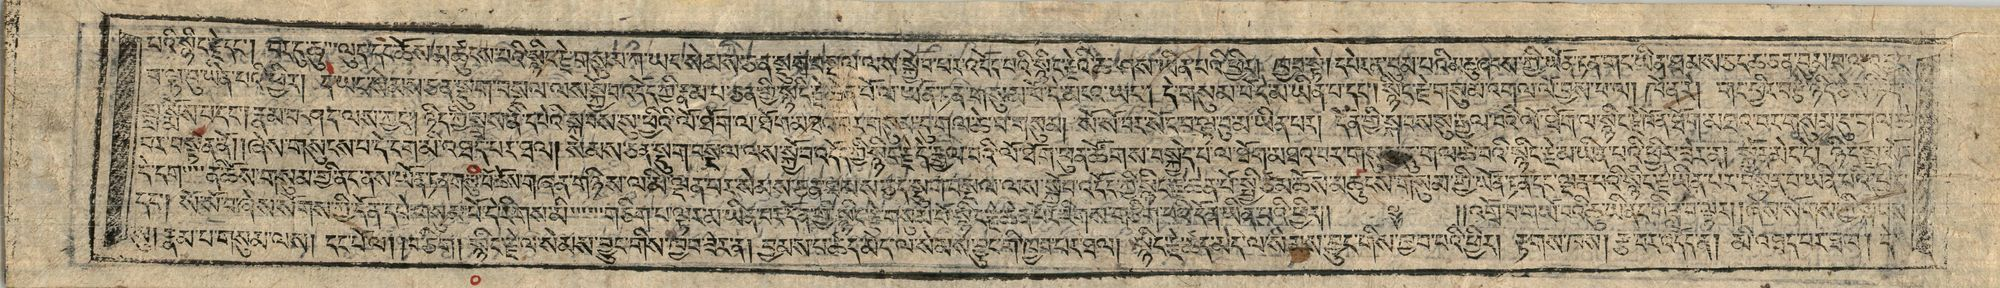པའི་སྙིང་རྗེ་དང་། བར་དུ་ཆུ་ལུད་དང་ཆོས་མཚུངས་པའི་སྙིང་རྗེ་གསུམ་ཀ་ཡང་སེམས་ཅན་སྡུག་བསྔལ་ལས་སྐྱོབ་པར་འདོད་པའི་སྙིང་རྗེའི་ཆ་ཤས་ཡིན་པའི་ཕྱིར། ཁྱབ་སྟེ། དཔེར་ན་བུམ་པའི་མཆུ་ཞབས་ཀྱི་ཡོན་ཏན་གང་ཡིན་ཐམས་ཅད་ཆ་ཅན་བུམ་བ་ལ་འབྱུང་
བ་ལྟ་བུ་ཡིན་པའི་ཕྱིར། དེ་ཡང་སེམས་ཅན་སྡུག་བསྔལ་ལས་སྐྱོབ་འདོད་ཀྱི་རྣམ་པ་ཅན་གྱི་སྙིང་རྗེ་ཆེན་པོ་ལ་ཡོན་ཏན་གསུམ་པོ་དེ་མངའ་ཡང་། དེ་གསུམ་པོ་དེ་མ་ཡིན་པ་དང་། སྙིང་རྗེ་གསུམ་འགལ་ལོ་བྱས་པ་ལ། ཁོ་ན་རེ། གང་ཕྱིར་བརྩེ་ཉིད་ཅེས་ཉིད་
སྒྲ་སྨོས་པ་དང་། རྣམ་བཤད་ལས་ཀྱང་། ཉིད་ཀྱི་སྒྲས་ནི་དཔེའི་སྐབས་སུ་ཕྱིའི་ལོ་ཐོག་ལ་ཐོག་མཐའ་བར་གསུམ་དུ་གལ་ཆེ་བ་གསུམ། སོ་སོ་བར་སོང་བ་ལྟ་བུ་མ་ཡིན་པར། དོན་གྱི་སྐབས་སུ་རྒྱལ་བའི་ལོ་ཐོག་ལ་སྙིང་རྗེ་ཁོ་ན་ཐོག་མཐའ་བར་གསུམ་དུ་གལ་ཆེ་
བར་བསྟན་ནོ། །ཞེས་གསུངས་པ་དེ་དག་མི་འཐད་པར་ཐལ། སེམས་ཅན་སྡུག་བསྔལ་ལས་སྐྱོབ་འདོད་ཀྱི་སྙིང་རྗེ་དེ་རྒྱལ་བའི་ལོ་ཐོག་ཕུན་ཚོགས་བསྐྱེད་པ་ལ་ཐོག་མཐའ་བར་གསུམ་དུ་གལ་ཆེ་བའི་སྙིང་རྗེ་མ་ཡིན་པའི་ཕྱིར་ཟེར་ན། སྐྱོན་མེད་དེ། ཉིང་སྒྲ་སོགས་
དེ་དག་ནི་ཆོས་གསུམ་གྱི་ནང་ནས་ཡོན་ཏན་གསུམ་པོ་ཆོས་གཞན་གཉིས་ལ་མི་ལྡན་པར་སེམས་ཅན་ཐམས་ཅད་སྡུག་བསྔལ་ལས་སྐྱོབ་འདོད་ཀྱི་སྙིང་རྗེ་ཆེན་པོ་སྤྱི་ཙམ་ཆོས་མཚུངས་གསུམ་གྱི་ཡོན་ཏན་དང་ལྡན་པའི་སྙིང་རྗེ་ཡིན་པར་བསྟན་པ་ཡིན་པའི་ཕྱིར་
དང་། སོ་སོ་བ་ཞེས་སོགས་ཀྱི་དོན་དཔེ་གསུམ་པོ་དེ་རིགས་མི་གཅིག་པ་ལྟར་མ་ཡིན་པར་དོན་གྱི་སྙིང་རྗེ་གསུམ་པོ་སྙིང་རྗེ་ཆེན་པོར་རིགས་གཅིག་པའི་དོན་ཡིན་པའི་ཕྱིར།། ༈ །།འགྲོ་བ་གཡོ་བའི་ཆུ་ཡི་ནང་གི་ཟླ་བ་ལྟར། །ཞེས་སོགས་ཀྱི་སྐབས་
སུ། རྣམ་པ་གསུམ་ལས། དང་པོ་ལ། །ཁ་ཅིག །སྙིང་རྗེ་ལ་སེམས་བྱུང་གིས་ཁྱབ་ཟེར་ན། བྱམས་པ་ཚད་མེད་ལ་སེམས་བྱུང་གི་ཁྱབ་པར་ཐལ། སྙིང་རྗེ་ཚད་མེད་ལ་སེམས་བྱུང་གིས་ཁྱབ་པའི་ཕྱིར། རྟགས་ཁས། རྩ་བར་འདོད་ན། མི་འཐད་པར་ཐལ། དེ་